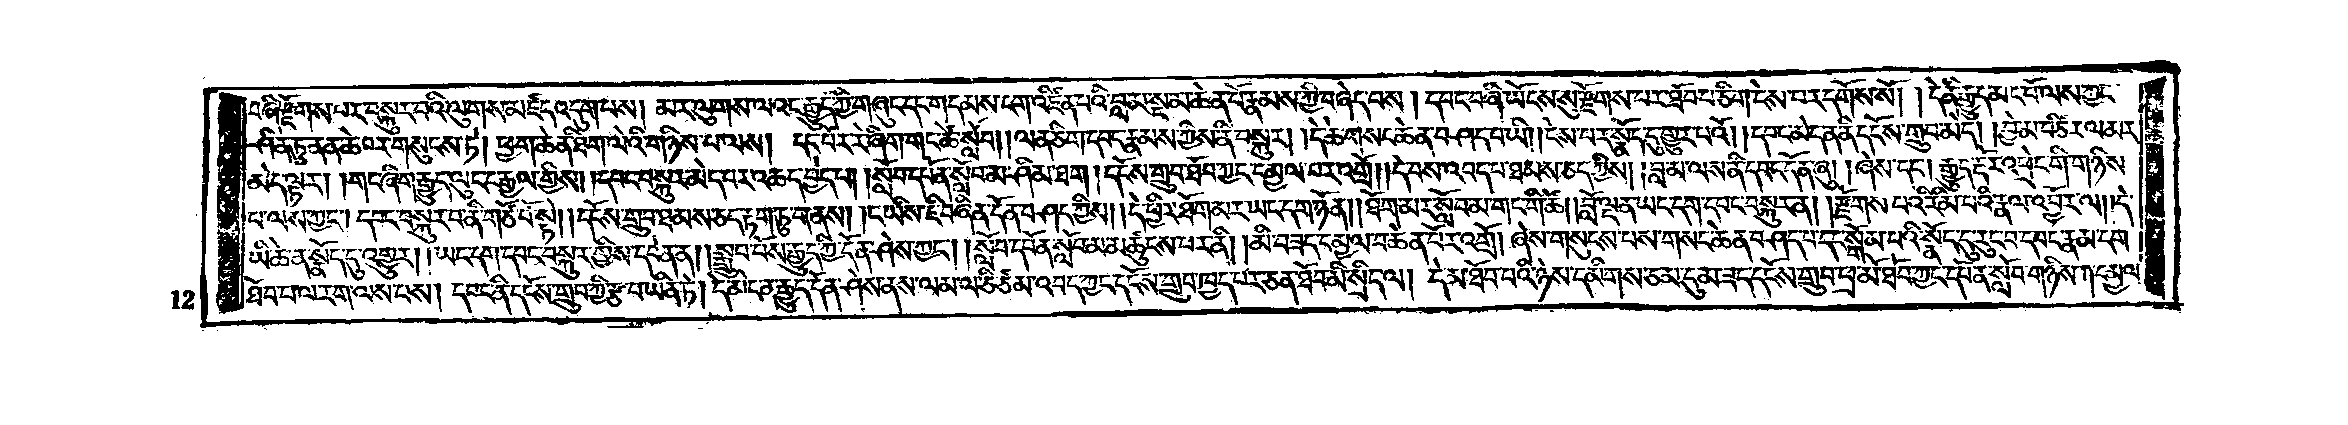བཞི་རྫོགས་པར་བསྐུར་བའི་ལུགས་མཛད་འདུག་པས། མར་ལུགས་ལའང་རྒྱུད་ཀྱི་གཞུང་དང་གདམས་ངག་འཛིན་པའི་བླ་མ་སྔ་མ་ཆེན་པོ་རྣམས་ཀྱི་བཞེད་པས། དབང་བཞི་ཡོངས་སུ་རྫོགས་པར་ཐོབ་པ་ཅིག་ངེས་པར་དགོས་སོ། །དེ་ནི་རྒྱུད་མང་པོ་ལས་ཀྱང་
ཤིན་ཏུ་དོན་?་ཆེ་བར་གསུངས་ཏེ། ཕྱག་ཆེན་ཐིག་ལེའི་གཉིས་པ་ལས། དང་པོར་རེ་ཞིག་གང་ཚེ་སློབ། །ལན་ཅིག་དབང་རྣམས་ཀྱིས་ནི་བསྐུར། །དེ་ཆེ་གསང་ཆེན་བཤད་པ་ཡི། །ངེས་པར་སྣོད་དུ་གྱུར་པའོ། །དབང་མེད་ན་ནི་དངོས་གྲུབ་མེད། །བྱེ་མ་བཙིར་ལམ་མར་
མེད་ལྟར། །གང་ཞིག་རྒྱུད་ལུང་ང་རྒྱལ་གྱིས། །དབང་བསྐུར་མེད་པར་འཆད་བྱེད་པ། །སློབ་དཔོན་སློབ་མ་ཤི་མ་ཐག །དངོས་གྲུབ་ཐོབ་ཀྱང་དམྱལ་བར་འགྲོ། །དེ་བས་འབད་པ་ཐམས་ཅད་ཀྱིས། །བླ་མ་ལས་ནི་དབང་དོན་ཞུ། །ཞེས་དང་། རྒྱུད་རྡོར་འཕྲེང་གི་གཉིས་
པ་ལས་ཀྱང་། དབང་བསྐུར་བ་ནི་གཙོ་བོ་སྟེ། །དངོས་གྲུབ་ཐམས་ཅད་རྟག་ཏུ་གནས། །ང་ཡིས་ཇི་བཞིན་དོན་བཤད་ཀྱིས། །དེ་ཕྱིར་ཐོག་མར་ཡང་དག་ཉོན། །ཐོག་མར་སློབ་མ་གང་གི་ཚེ། །བློ་ལྡན་ཡང་དག་དབང་བསྐུར་ན། །རྫོགས་པའི་རིམ་པའི་རྣལ་འབྱོར་ལ། །དེ་
ཡི་ཆེ་ན་སྣོད་དུ་འགྱུར། །ཡང་དག་དབང་བསྐུར་གྱིས་དབེན་ན། །སྒྲུབ་པོས་རྒྱུད་ཀྱི་དོན་ཤེས་ཀྱང་། །སློབ་དཔོན་སློབ་མ་མཚུངས་པར་ནི། །མི་བཟད་དམྱལ་བ་ཆེན་པོར་འགྲོ། ཞེས་གསུངས་པས་གསང་ཆེན་བཤད་པ་དང་སྒོམ་པའི་སྣོད་དུ་རུང་བ་དབང་རྣམ་དག་
ཐོབ་པ་ལ་རག་ལས་པས། དབང་ནི་དངོས་གྲུབ་ཀྱི་རྩ་བ་ཡིན་ཏེ། དེ་མེད་ན་རྒྱུད་དོན་ཤེས་ནས་ལམ་ལ་ཅི་ཙམ་འབད་ཀྱང་དངོས་གྲུབ་ཁྱད་པར་ཅན་ཐོབ་མི་སྲིད་ལ། དེ་མ་ཐོབ་པའི་ཉེས་དམིགས་ཙམ་དུ་མ་ཟད་དངོས་གྲུབ་ཕྲ་མོ་ཐོབ་ཀྱང་དཔོན་སློབ་གཉིས་ཀ་དམྱལ་